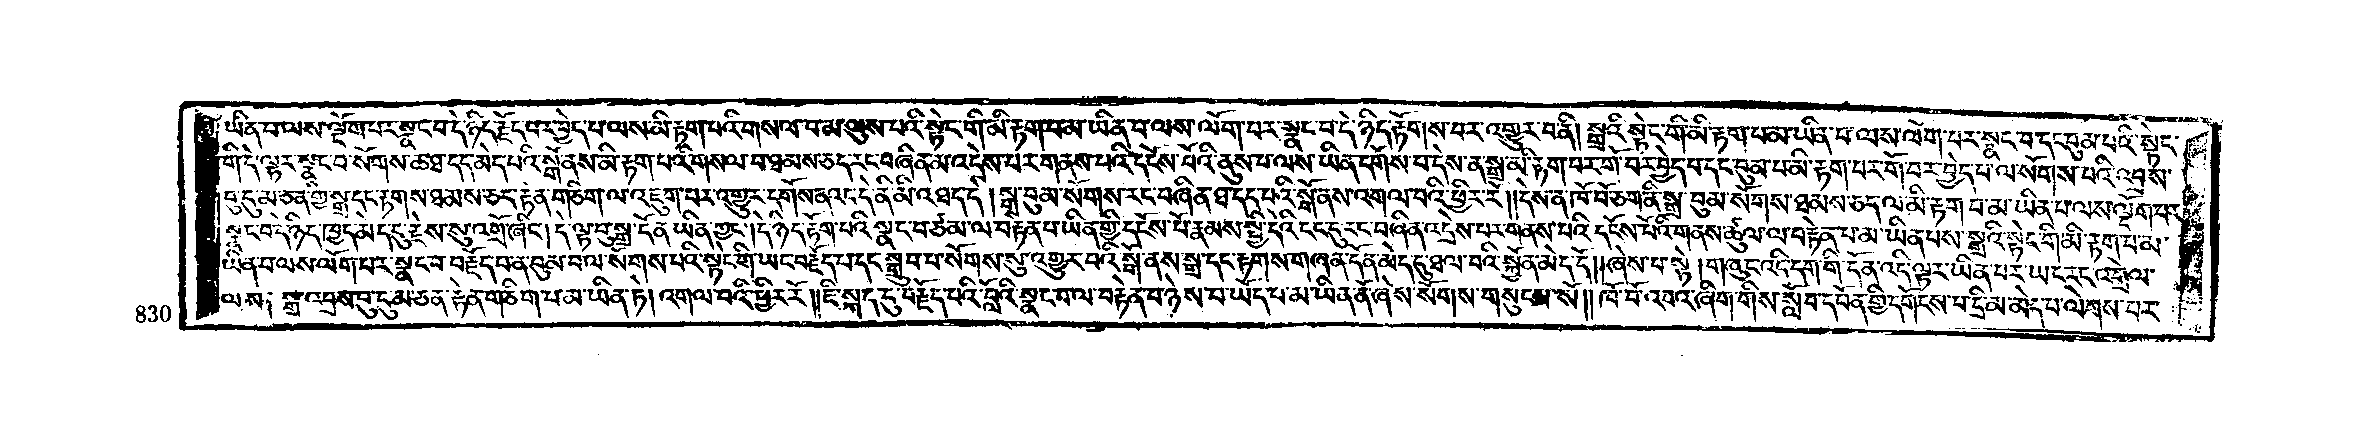ཡིན་པ་ལས་ལྡོག་པར་སྣང་བ་དེ་ཉིད་རྗོད་པར་བྱེད་པ་ལས་མི་རྟག་པའི་གསལ་བ་མ་ལུས་པའི་སྟེང་གི་མི་རྟག་པ་མ་ཡིན་པ་ལས་ལོག་པར་སྣང་བ་དེ་ཉིད་རྟོགས་པར་འགྱུར་བ་ནི། སྒྲའི་སྟེང་གི་མི་རྟག་པ་མ་ཡིན་པ་ལས་ལོག་པར་སྣང་བ་དང་བུམ་པའི་སྟེང་
གི་དེ་ལྟར་སྣང་བ་སོགས་ཆ་ཐ་དད་མེད་པའི་སྒོ་ནས་མི་རྟག་པའི་གསལ་བ་ཐམས་ཅད་རང་བཞིན་མ་འདྲེས་པར་གནས་པའི་དངོས་པོའི་ནུས་པ་ལས་ཡིན་དགོས་པ་དེས་ན་སྒྲ་མི་རྟག་པར་གོ་བར་བྱེད་པ་དང་བུམ་པ་མི་རྟག་པར་གོ་བར་བྱེད་པ་ལ་སོགས་པའི་འབྲས་བུ་དུ་མ་ཅན་གྱི་སྒྲ་དང་རྟགས་ཐམས་ཅད་རྟེན་གཅིག་ལ་འཇུག་པར་འགྱུར་དགོས་ནའང་དེ་ནི་མི་འཐད་དེ། སྒྲ་བུམ་སོགས་རང་བཞིན་ཐ་དད་པའི་སྒོ་ནས་འགལ་བའི་ཕྱིར་རོ། །དེས་ན་ཁོ་བོ་ཅག་ནི་སྒྲ་བུམ་སོགས་ཐམས་ཅད་ལ་མི་རྟག་པ་མ་ཡིན་པ་ལས་ལྡོག་པར་
སྣང་བ་དེ་ཉིད་ཁྱད་མེད་དུ་རྗེས་སུ་འགྲོ་ཞིང་། དེ་ལྟ་བུ་སྒྲ་དོན་ཡིན་ཀྱང་། དེ་ཉིད་རྟོག་པའི་སྣང་བ་ཙམ་ལ་བརྟེན་པ་ཡིན་གྱི་དངོས་པོ་རྣམས་སྤྱི་དེའི་ངང་དུ་རང་བཞིན་འདྲེས་པར་གནས་པའི་དངོས་པོའི་གནས་ཚུལ་ལ་བརྟེན་པ་མ་ཡིན་པས་སྒྲའི་སྟེང་གི་མི་རྟག་པ་མ་
ཡིན་པ་ལས་ལོག་པར་སྣང་བ་བརྗོད་པ་ན་བུམ་པ་ལ་སོགས་པའི་སྟེང་གི་ཡང་བརྗོད་པ་དང་སྒྲུབ་པ་སོགས་སུ་འགྱུར་པའི་སྒོ་ནས་སྒྲ་དང་རྟགས་གཞན་དོན་མེད་དུ་ཐལ་བའི་སྐྱོན་མེད་དོ། །ཞེས་པ་སྟེ། གཞུང་འདི་དག་གི་དོན་འདི་ལྟར་ཡིན་པར་ཡང་རང་འགྲེལ་
ལས། སྒྲ་འབྲས་བུ་དུ་མ་ཅན་རྟེན་གཅིག་པ་མ་ཡིན་ཏེ། འགལ་བའི་ཕྱིར་རོ། །ཇི་སྐད་དུ་བརྗོད་པའི་བློའི་སྣང་བ་ལ་བརྟེན་པ་ཉེས་པ་ཡོད་པ་མ་ཡིན་ནོ་ཞེས་སོགས་གསུངས་སོ། །ཁོ་བོ་འབའ་ཞིག་གིས་སློབ་དཔོན་གྱི་དགོངས་པ་དྲི་མ་མེད་པ་ལེགས་པར་